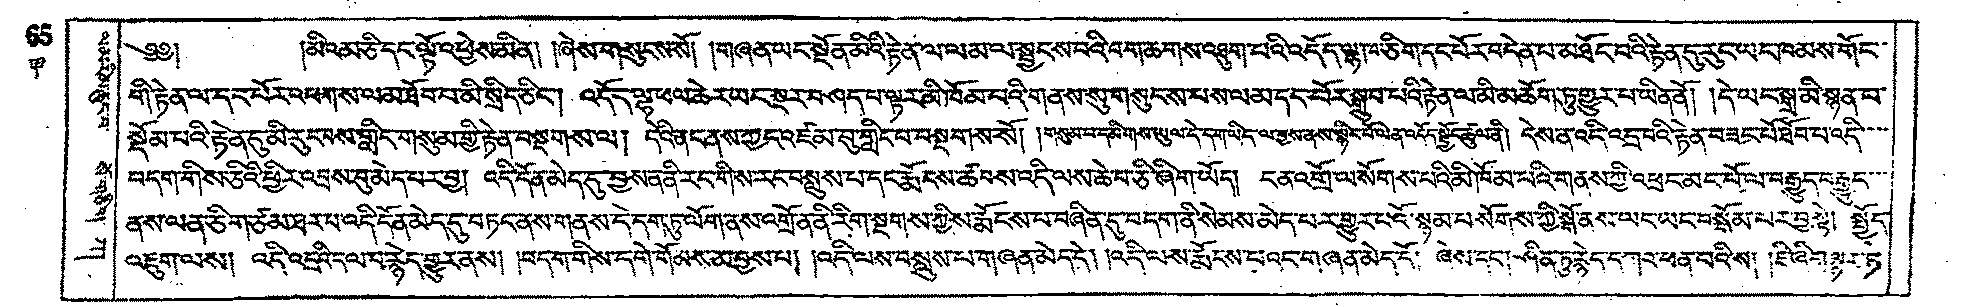༄༅། །མི་འམ་ཅི་དང་ལྟོ་འཕྱེས་མིན། །ཞེས་གསུངས་སོ། །གཞན་ཡང་སྔོན་མིའི་རྟེན་ལ་ལམ་ལ་སྦྱངས་པའི་བག་ཆགས་འཐུག་པའི་འདོད་ལྷ་ཁ་ཅིག་དང་པོར་བདེན་པ་མཐོང་བའི་རྟེན་དུ་རུང་ཡང་ཁམས་གོང་
གི་རྟེན་ལ་དང་པོར་འཕགས་ལམ་ཐོབ་པ་མི་སྲིད་ཅིང་། འདོད་ལྷ་ཕལ་ཆེར་ཡང་སྔར་བཤད་པ་ལྟར་མི་ཁོམ་པའི་གནས་སུ་གསུངས་པས་ལམ་དང་པོར་སྒྲུབ་པའི་རྟེན་ལ་མི་མཆོག་ཏུ་གྱུར་པ་ཡིན་ནོ། །དེ་ཡང་སྒྲ་མི་སྙན་པ་
སྡོམ་པའི་རྟེན་དུ་མི་རུང་བས་གླིང་གསུམ་གྱི་རྟེན་བསྔགས་ལ། དེའི་ནང་ནས་ཡང་འཛམ་བུ་གླིང་པ་བསྔགས་སོ། །གསུམ་པ་དམིགས་ཡུལ་དེ་དག་ཡིད་ལ་བྱས་ནས་སྙིང་པོ་ལེན་འདོད་སྦྱོང་ཚུལ་ནི། དེས་ན་འདི་འདྲ་བའི་རྟེན་བཟང་པོ་ཐོབ་པ་འདི་
བདག་གིས་ཅིའི་ཕྱིར་འབྲས་བུ་མེད་པར་བྱ། འདི་དོན་མེད་དུ་བྱས་ན་ནི་རང་གིས་རང་བསླུས་པ་དང་རྨོངས་ཚབས་འདི་ལས་ཆེ་བ་ཅི་ཞིག་ཡོད། ངན་འགྲོ་ལ་སོགས་པའི་མི་ཁོམ་པའི་གནས་ཀྱི་འཕྲང་མང་པོ་ལ་བརྒྱུད་བརྒྱུད་
ནས་ལན་ཅིག་ཙམ་ཐར་པ་འདི་དོན་མེད་དུ་བཏང་ནས་གནས་དེ་དག་ཏུ་ལོག་ནས་འགྲོ་ན་ནི་རིག་སྔགས་ཀྱིས་རྨོངས་པ་བཞིན་དུ་བདག་ནི་སེམས་མེད་པར་གྱུར་པའོ་སྙམ་པ་སོགས་ཀྱི་སྒོ་ནས་ཡང་ཡང་བསྒོམ་པར་བྱ་སྟེ། སྤྱོད་
འཇུག་ལས། འདི་འདྲའི་དལ་བ་རྙེད་གྱུར་ནས། །བདག་གིས་དགེ་གོམས་མ་བྱས་པ། །འདི་ལས་བསླུས་པ་གཞན་མེད་དེ། །འདི་ལས་རྨོངས་པའང་གཞན་མེད་དོ། ཞེས་དང་། ཤིན་ཏུ་རྙེད་དཀའ་ཕན་པའི་ས། །ཇི་ཞིག་ལྟར་ཏེ་